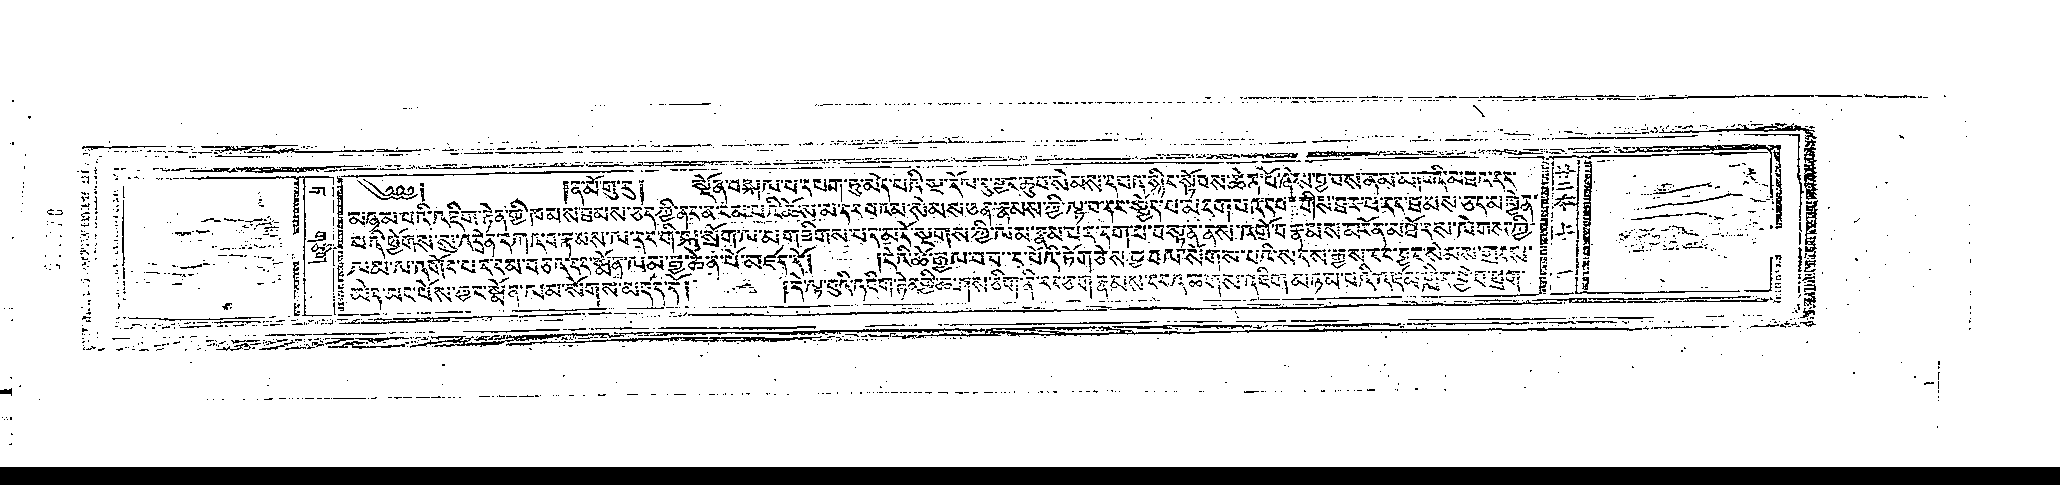༄༅༅། །ན་མོ་གུ་རུ། སྔོན་བསྐལ་པ་དཔག་ཏུ་མེད་པའི་ལྔ་རོལ་དུ་བྱང་ཆུབ་སེམས་དཔའ་སྙིང་སྟོབས་ཆེན་པོ་ཞེས་བྱ་བས་ནམ་མཁའི་མཐའ་དང་
མཉམ་པའི་འཇིག་རྟེན་གྱི་ཁམས་ཐམས་ཅད་ཀྱི་ནང་ན་དམ་པའི་ཆོས་མ་དད་པའམ་སེམས་ཅན་རྣམས་ཀྱི་ལྟ་བ་དང་སྦྱོང་པ་མ་དག་པའི་དབང་གིས་ཐར་པ་དང་ཐམས་ཅད་མཁྱེན་
པའི་ཕྱོགས་སུ་འདྲེན་དཀའ་བ་རྣམས་ལ་རང་གི་སྐུ་སྲོག་ལ་མ་གཟིགས་པར་མདོ་སྔགས་ཀྱི་ལམ་རྣམ་པར་དག་པ་བསྟན་ནས་འགྲོ་བ་རྣམས་མངོན་མཐོ་ངས་ལེགས་ཀྱི་
ལམ་ལ་འགོད་པར་དམ་བཅའ་དང་སྨོན་ལམ་རྒྱ་ཆེན་པོ་མཛད་དོ། །དེའི་ཚེ་རྒྱལ་བ་དབང་པོའི་ཏོག་ཅེས་བྱ་བ་ལ་སོགས་པའི་སངས་རྒྱས་དང་བྱང་སེམས་གྲངས་
མེད་མང་པོས་ཀྱང་སྨོན་ལམ་སོགས་མཛད་དོ། །དེ་ལྟ་བུའི་འཇིག་རྟེན་གྱི་ཆ་ཤས་ཅིག་ནི་རང་ཅག་རྣམས་དང་འཆགས་འཇིག་མཉམ་པའི་འཛམ་གླིང་བྱེ་བ་ཕྲག་